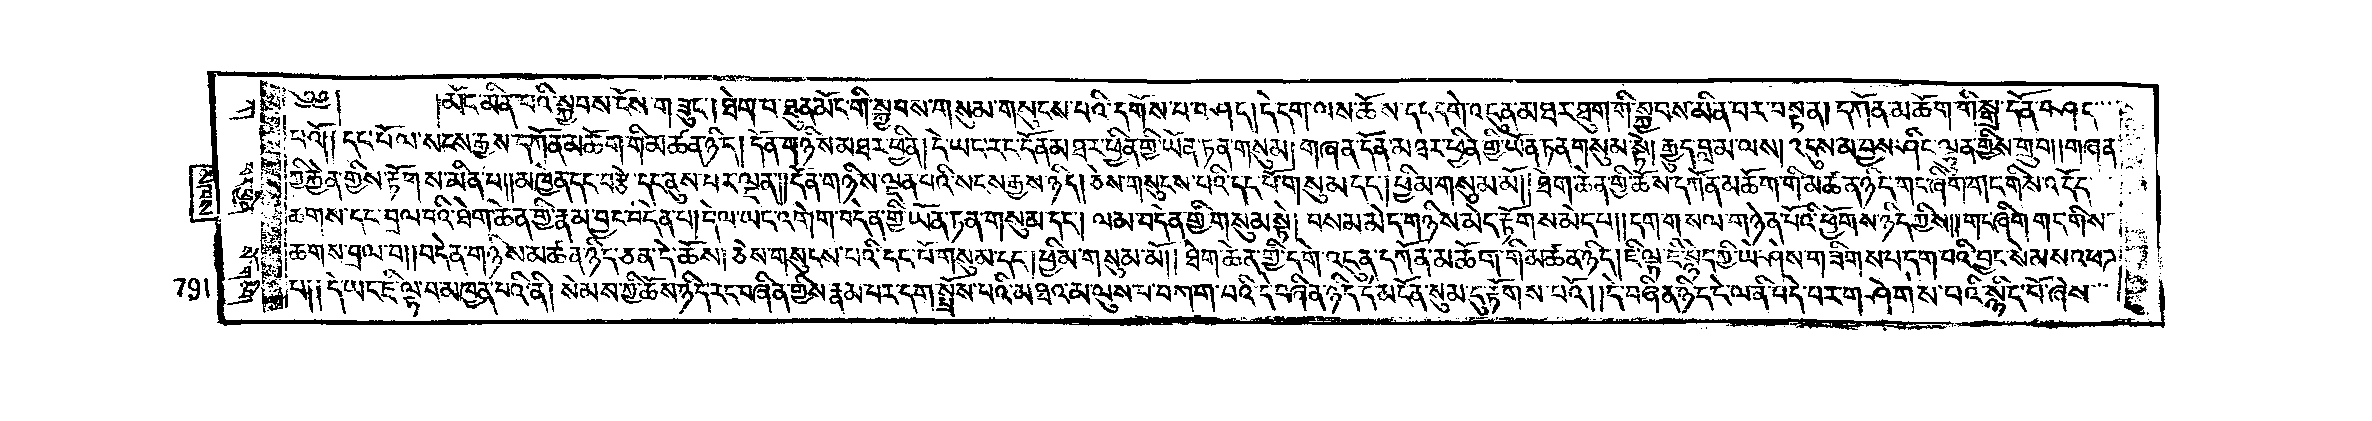༄༅། །མོང་མིན་པའི་སྐྱབས་ངོས་གཟུང་། ཐེག་པ་ཐུན་མོང་གི་སྐྱབས་གསུམ་གསུངས་པའི་དགོས་པ་བཤད། དེ་དག་ལས་ཆོས་དང་དགེ་འདུན་མཐར་ཐུག་གི་སྐྱབས་མིན་པར་བསྟན། དཀོན་མཆོག་གི་སྒྲ་དོན་བཤད་
པའོ། །དང་པོ་ལ་སངས་རྒྱས་དཀོན་མཆོག་གི་མཚན་ཉིད། དོན་གཉིས་མཐར་ཕྱིན། དེ་ཡང་རང་དོན་མཐར་ཕྱིན་གྱི་ཡོན་ཏན་གསུམ། གཞན་དོན་མཐར་ཕྱིན་གྱི་ཡོན་ཏན་གསུམ་སྟེ། རྒྱུད་བླ་མ་ལས། འདུས་མ་བྱས་ཤིང་ལྷུན་གྱིས་གྲུབ། །གཞན་
ཀྱི་རྐྱེན་གྱིས་རྟོགས་མིན་པ། །མཁྱེན་དང་བརྩེ་དང་ནུས་པར་ལྡན། །དོན་གཉིས་ལྡན་པའི་སངས་རྒྱས་ཉིད། ཅེས་གསུངས་པའི་དང་པོ་གསུམ་དང་། ཕྱི་མ་གསུམ་མོ། །ཐེག་ཆེན་གྱི་ཆོས་དཀོན་མཆོག་གི་མཚན་ཉིད་གང་ཞིག་གང་གིས་འདོད་
ཆགས་དང་བྲལ་བའི་ཐེག་ཆེན་གྱི་རྣམ་བྱང་བདེན་པ། དེ་ལ་ཡང་འགོག་བདེན་གྱི་ཡོན་ཏན་གསུམ་དང་། ལམ་བདེན་གྱི་གསུམ་སྟེ། བསམ་མེད་གཉིས་མེད་རྟོགས་མེད་པ། །དག་གསལ་གཉེན་པོའི་ཕྱོགས་ཉིད་ཀྱིས། །གང་ཞིག་གང་གིས་
ཆགས་བྲལ་བ། །བདེན་གཉིས་མཚན་ཉིད་ཅན་དེ་ཆོས། ཅེས་གསུངས་པའི་དང་པོ་གསུམ་དང་། ཕྱི་མ་གསུམ་མོ། །ཐེག་ཆེན་གྱི་དགེ་འདུན་དཀོན་མཆོག་གི་མཚན་ཉིད། ཇི་ལྟ་ཇི་སྙེད་ཀྱི་ཡེ་ཤེས་གཟིགས་པ་དག་པའི་བྱང་སེམས་འཕགས་
པ༑ ༑དེ་ཡང་ཇི་ལྟ་བ་མཁྱེན་པའི་ནི། སེམས་ཀྱི་ཆོས་ཉིད་རང་བཞིན་གྱིས་རྣམ་པར་དག་སྤྲོས་པའི་མཐའ་མ་ལུས་པ་བཀག་པའི་དེ་བཞིན་ཉིད་དེ་མངོན་སུམ་དུ་རྟོགས་པའོ། །དེ་བཞིན་ཉིད་དེ་ལ་ནི་བདེ་བར་གཤེགས་པའི་སྙིང་པོ་ཞེས་